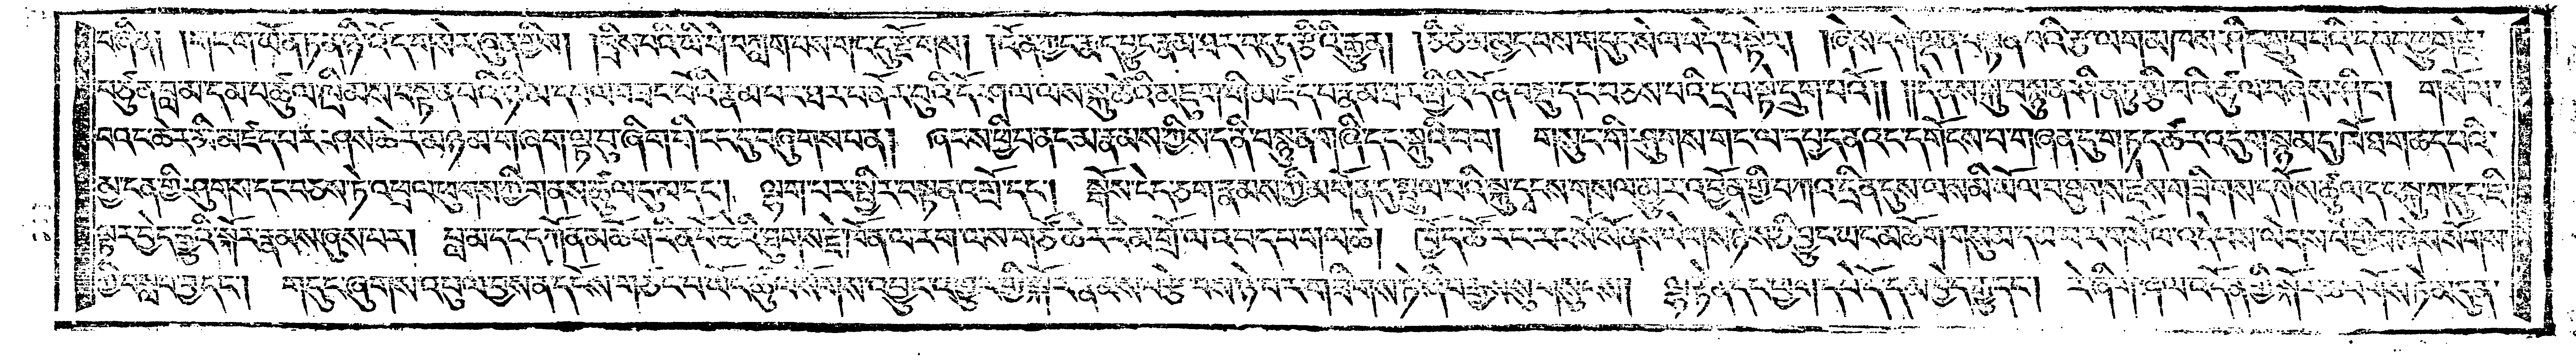བཞིན༑ །གང་ག་ཡོན་ཏན་ཉི་འོད་གསེར་ཞུན་ཀྱིས། །བྲིས་པའི་ཡི་གེ་བཀླག་པས་གང་དུ་རྫོགས། །འོན་ཀྱང་རྨད་བྱུང་རྣམ་ཐར་བདུད་རྩིའི་རྒྱུན། །ཅི་ཙམ་མྱང་བས་གདུང་སེལ་བདེ་བ་སྟེར། །ཞེས་དགེ་ལྡན་བསྟན་པའི་རྩ་ལག་མཁས་ཤིང་གྲུབ་པའི་དབང་ཕྱུག་རྗེ་
བཙུན་བླ་མ་དམ་པ་ཚུལ་ཁྲིམས་བསྟན་པའི་ཉི་མ་དཔལ་བཟང་པོའི་རྣམ་པར་ཐར་པ་ནོར་བུའི་དོ་ཤལ་ལས་སྐུ་ཚེའི་མཇུག་གི་མཛད་པ་རྣམ་ཐར་སྤྱིའི་དོན་བསྡུ་དང་བཅས་པའི་དྲ་བ་སྟེ་དྲུག་པའོ།། །།དེ་ནས་སྐུ་བསྙུན་ཤིན་ཏུ་ལྕི་བའི་ཚུལ་བཞེས་ཤིང་། གསོལ་
བའང་ཆེར་མི་མཛད་པར་ཤས་ཟེར་མཉམ་གཞག་ལྟ་བུ་ཞིག་གི་ངང་དུ་བཞུགས་པ་ན། ཞབས་ཕྱི་པ་ནང་མ་རྣམས་ཀྱིས་ད་ནི་བསྙུན་གཞི་དང་སྐུའི་བབ། གསུང་གི་ཤུགས་གང་ལ་དཔྱད་ནའང་དགོངས་པ་གཞན་དུ་གཏད་ཚར་འདུག་སྙམ་དུ་ཁོ་ཐག་ཆད་པའི་
མྱ་ངན་གྱི་ཤུགས་དང་བཅས་ཏེ་འཕྲལ་ཕུགས་ཀྱི་གནས་ཚུལ་དུ་མ་དང་། ལྷག་པར་སྤྱིར་བསྟན་འགྲོ་དང་། སྒོས་ངེད་ཅག་རྣམས་ཀྱི་མགོ་ན་དུ་སྤྲུལ་པའི་སྐུ་དབངས་གསལ་མྱུར་འབྱོན་གྱི་བཀའ་དྲིན་དུས་ལས་མི་ཡོལ་བ་ཐུགས་རྗེས་གཟིགས་དགོས་ཚུལ་དང་སྐུ་གདུང་ཇི་
ལྟར་བྱེད་རྒྱུའི་སྐོར་རྣམས་ཞུས་པར། བླ་མ་དང་དཀོན་མཆོག་རིན་པོ་ཆེའི་ཐུགས་རྗེ་ཁོ་ན་ལ་རག་ལས་གཙོ་ཆེར་རིམ་གྲོ་ལ་འབད་པ་གལ་ཆེ། ཁྱོད་ཚེ་རང་རང་སོ་སོ་ནས་ལེགས་ཉེས་ཅི་བྱུང་ཡང་མཆོག་གསུམ་དམ་པར་གསོལ་འདེབས་ལེགས་པོ་གྱིས་ཞེས་སོགས་
ཀྱི་བསླབ་བྱ་དང་། གདུང་ཞུགས་འབུལ་བྱས་ན་དངོས་གཙང་བ་ཡོང་ཚུལ་སོགས་འབྱུང་འགྱུར་གྱི་སྐོར་རྣམས་བརྩེ་བས་ཉེ་བར་གཟིགས་ཏེ་ཞིབ་རྒྱས་སུ་གསུངས། ལྷ་རྟེན་དང་ཕྱག་དཔེ་དོ་དམ་བྱེད་རྒྱུ་དང་། རེ་ཞིག་ཞལ་འདོན་གི་སྐོར་ཆ་དགོས་ཏེ་མདུན་